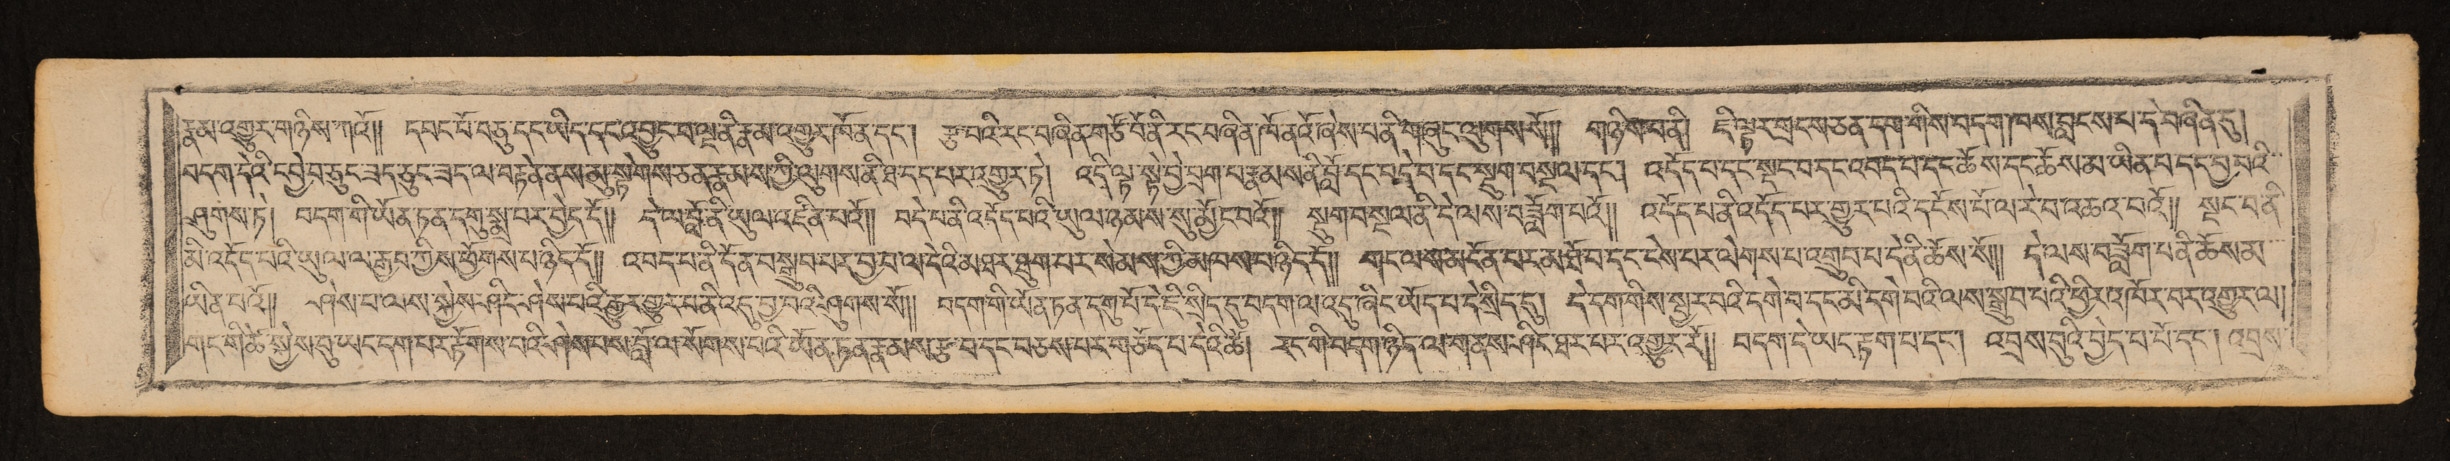རྣམ་འགྱུར་གཉིས་ཀའོ།། དབང་པོ་བཅུ་དང་ཡིད་དང་འབྱུང་བ་ལྔ་ནི་རྣམ་འགྱུར་ཁོ་ན་དང་། རྩ་བའི་རང་བཞིན་གཙོ་བོ་ནི་རང་བཞིན་ཁོ་ནའོ་ཞེས་པ་ནི་གཞུང་ལུགས་སོ།། གཉིས་པ་ནི། ཇི་ལྟར་གྲངས་ཅན་དག་གིས་བདག་ཁས་བླངས་པ་དེ་བཞིན་དུ།
བདག་དེའི་དབྱེ་བ་ཅུང་ཟད་ཅུང་ཟད་ལ་བརྟེན་ནས་མུ་སྟེགས་ཅན་རྣམས་ཀྱི་ལུགས་ནི་ཐ་དད་པར་འགྱུར་ཏེ། འདི་ལྟ་སྟེ་བྱེ་བྲག་པ་རྣམས་ནི་བློ་དང་བདེ་བ་དང་སྡུག་བསྔལ་དང་། འདོད་པ་དང་སྡང་བ་དང་འབད་པ་དང་ཆོས་དང་ཆོས་མ་ཡིན་པ་དང་བྱ་བའི་
ཤུགས་ཏེ། བདག་གི་ཡོན་ཏན་དགུ་སྨྲ་བར་བྱེད་དོ།། དེ་ལ་བློ་ནི་ཡུལ་འཛིན་པའོ།། བདེ་བ་ནི་འདོད་པའི་ཡུལ་ཉམས་སུ་མྱོང་བའོ།། སྡུག་བསྔལ་ནི་དེ་ལས་བཟློག་པའོ།། འདོད་པ་ནི་འདོད་པར་གྱུར་པའི་དངོས་པོ་ལ་རེ་བ་འཆའ་བའོ།། སྡང་བ་ནི་
མི་འདོད་པའི་ཡུལ་ལ་རྒྱབ་ཀྱིས་ཕྱོགས་པ་ཉིད་དོ།། འབད་པ་ནི་དོན་བསྒྲུབ་པར་བྱ་བ་ལ་དེའི་མཐར་ཐུག་པར་སེམས་ཀྱི་མཁས་པ་ཉིད་དོ།། གང་ལས་མངོན་པར་མཐོ་བ་དང་ངེས་པར་ལེགས་པ་འགྲུབ་པ་དེ་ནི་ཆོས་སོ།། དེ་ལས་བཟློག་པ་ནི་ཆོས་མ་
ཡིན་པའོ།། ཤེས་པ་ལས་སྐྱེས་ཤིང་ཤེས་པའི་རྒྱུར་གྱུར་པ་ནི་འདུ་བྱ་བའི་ཤུགས་སོ།། བདག་གི་ཡོན་ཏན་དགུ་པོ་དེ་ཇི་སྲིད་དུ་བདག་ལ་འདུ་ཞིང་ཡོད་པ་དེ་སྲིད་དུ། དེ་དག་གིས་སྦྱར་བའི་དགེ་བ་དང་མི་དགེ་བའི་ལས་སྒྲུབ་པའི་ཕྱིར་འཁོར་བར་འགྱུར་ལ།
གང་གི་ཚེ་སྐྱེས་བུ་ཡང་དག་པར་རྟོགས་པའི་ཤེས་པས་བློ་ལ་སོགས་པའི་ཡོན་ཏན་རྣམས་རྩ་བ་དང་བཅས་པར་གཅོད་པ་དེའི་ཚེ། རང་གི་བདག་ཉིད་ལ་གནས་ཤིང་ཐར་པར་འགྱུར་རོ།། བདག་དེ་ཡང་རྟག་པ་དང་། འབྲས་བུའི་བྱེད་པ་པོ་དང་། འབྲས་